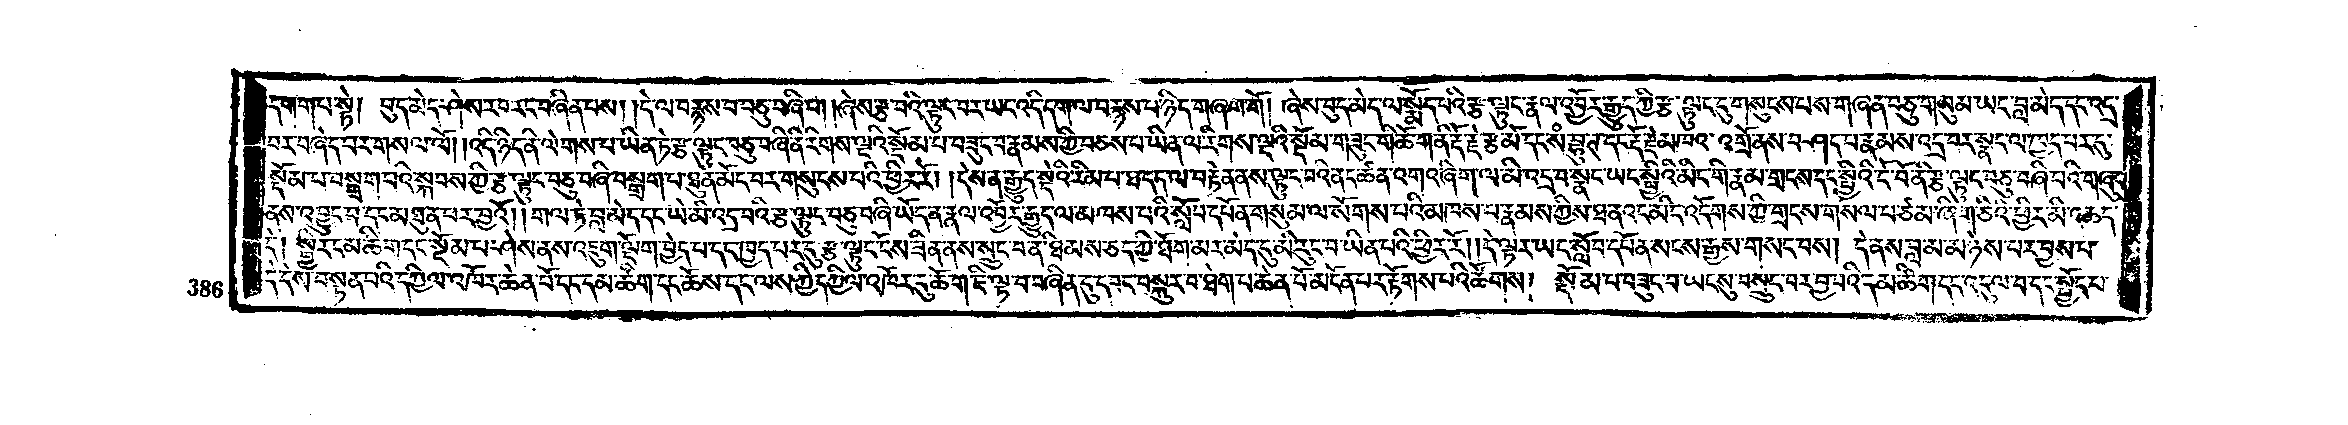དགག་པ་སྟེ། བུད་མེད་ཤེས་རབ་རང་བཞིན་པས། །དེ་ལ་བརྙས་པ་བཅུ་བཞི་པ། །ཞེས་རྩ་བའི་ལྟུང་བར་ཡང་འདི་དག་ལ་བརྙས་པ་ཉིད་གཞག་གོ །ཞེས་བུད་མེད་ལ་སྨོད་པའི་རྩ་ལྟུང་རྣལ་འབྱོར་རྒྱུད་ཀྱི་རྩ་ལྟུང་དུ་གསུངས་པས་གཞན་བཅུ་གསུམ་ཡང་བླ་མེད་དང་འདྲ་
བར་བཞེད་པར་གསལ་ལོ། །འདི་ཉིད་ནི་ལེགས་པ་ཡིན་ཏེ་རྩ་ལྟུང་བཅུ་བཞི་ནི་རིགས་ལྔའི་སྡོམ་པ་བཟུང་བ་རྣམས་ཀྱི་བཅས་པ་ཡིན་ལ་རིགས་ལྔའི་སྡོམ་གཟུང་གི་ཆོ་ག་ནི་རྡོ་རྗེ་རྩ་མོ་དང་སཾ་བྷུ་ཊ་དང་རྡོ་རྗེ་མཁའ་འགྲོ་ནས་བཤད་པ་རྣམས་འདྲ་བར་སྣང་ལ་ཁྱད་པར་དུ་
སྡོམ་པ་བསྒྲག་པའི་སྐབས་ཀྱི་རྩ་ལྟུང་བཅུ་བཞི་བསྒྲག་པ་ཐུན་མོང་བར་གསུངས་པའི་ཕྱིར་རོ། །དེས་ན་རྒྱུད་སྡེའི་རིམ་པ་ཐ་དད་ལ་བརྟེན་ནས་ལྟུང་བའི་ནང་མཚན་འགའ་ཞིག་ལ་མི་འདྲ་བ་སྣང་ཡང་སྤྱིའི་མིང་གི་རྣམ་གྲངས་དང་སྤྱིའི་ངོ་བོ་ནི་རྩ་ལྟུང་བཅུ་བཞི་པའི་གཞུང་
ནས་འབྱུང་བ་དང་མཐུན་པར་བྱའོ། །གལ་ཏེ་བླ་མེད་དང་ཡེ་མི་འདྲ་བའི་རྩ་ལྟུང་བཅུ་བཞི་ཡོད་ན་རྣལ་འབྱོར་རྒྱུད་ལ་མཁས་པའི་སློབ་དཔོན་གསུམ་ལ་སོགས་པའི་མཁས་པ་རྣམས་ཀྱིས་ཐ་ནའང་མིང་འདོགས་ཀྱི་གྲངས་གསལ་པ་ཙམ་ཞིག་ཅིའི་ཕྱིར་མི་འཆད་
དེ། སྤྱིར་དམ་ཚིག་དང་སྡོམ་པ་ཤེས་ནས་འཇུག་ལྡོག་བྱེད་པ་དང་ཁྱད་པར་དུ་རྩ་ལྟུང་ངོས་ཟིན་ནས་སྲུང་བ་ནི་ཐམས་ཅད་ཀྱི་ཐོག་མར་མེད་དུ་མི་རུང་བ་ཡིན་པའི་ཕྱིར་རོ། །དེ་ལྟར་ཡང་སློབ་དཔོན་སངས་རྒྱས་གསང་བས། དེ་ནས་བླ་མ་མཉེས་པར་བྱས་པ་
དེ་དེས་བསྟན་པའི་དཀྱིལ་འཁོར་ཆེན་པོ་དང་དམ་ཚིག་དང་ཆོས་དང་ལས་ཀྱི་དཀྱིལ་འཁོར་དུ་ཆོ་ག་ཇི་ལྟ་བ་བཞིན་དུ་དབང་བསྐུར་བ་ཐེག་པ་ཆེན་པོ་མངོན་པར་རྟོགས་པའི་ཚོགས། སྡོམ་པ་བཟུང་བ་ཡོངས་སུ་བསྲུང་བར་བྱ་བའི་དམ་ཚིག་དང་འདུལ་བ་དང་སྤྱོད་པ་